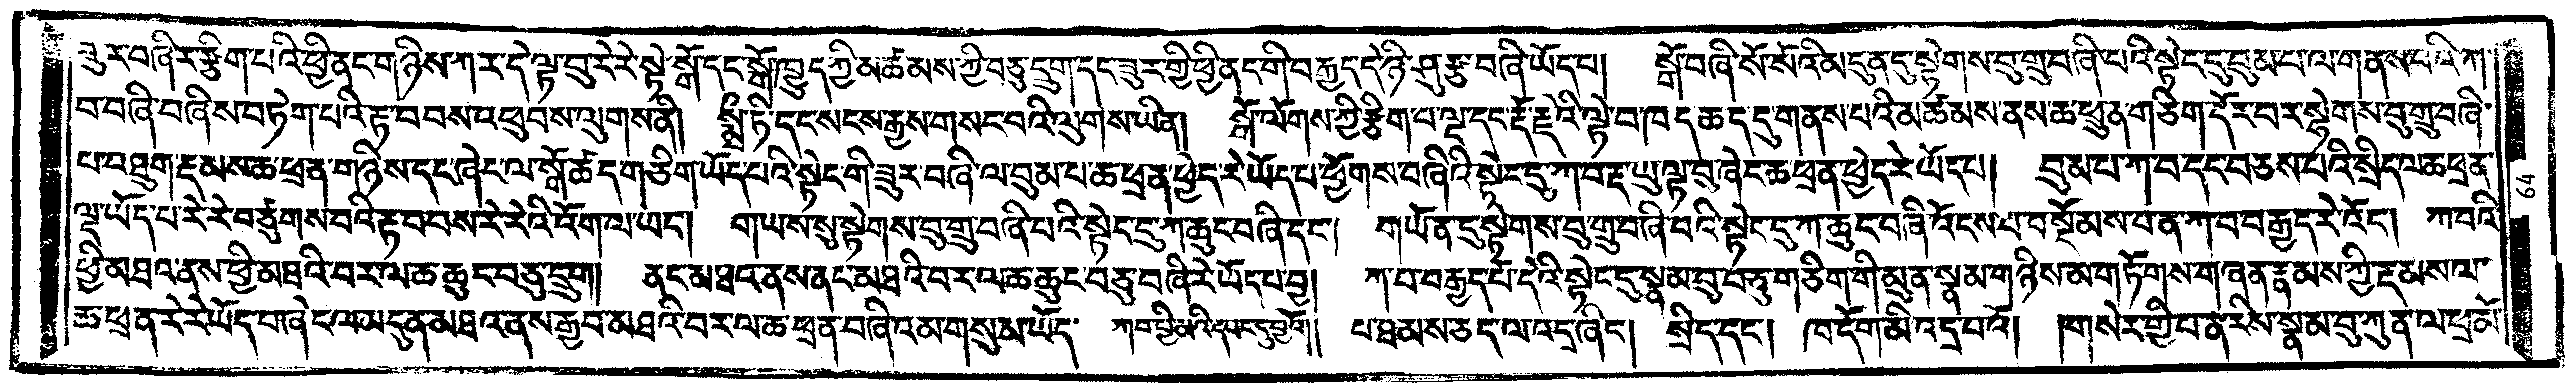ཟུར་བཞིར་རྩིག་པའི་ཕྱི་ནང་གཉིས་ཀར་དེ་ལྟ་བུ་རེ་རེ་སྟེ་སྒོ་དང་སྒོ་ཁྱུད་ཀྱི་མཚམས་ཀྱི་བཅུ་དྲུག་དང་ཟུར་གྱི་ཕྱི་ནང་གི་བརྒྱད་དེ་ཉི་ཤུ་རྩ་བཞི་ཡོད་པ། སྒོ་བཞི་སོ་སོའི་མདུན་དུ་སྟེགས་བུ་གྲུ་བཞི་པའི་སྟེང་དུ་བུམ་པ་ལ་གནས་པའི་ཀ་
བ་བཞི་བཞིས་བཏེག་པའི་རྟ་བབས་འཕུབས་ལུགས་ནི། སྨྲྀ་ཏི་དང་སངས་རྒྱས་གསང་བའི་ལུགས་ཡིན། སྒོ་ལོགས་ཀྱི་རྩིག་པ་ལྔ་དང་རྡོ་རྗེའི་ལྟེ་བ་ཁད་ཆད་དུ་གནས་པའི་མཚམས་ནས་ཆ་ཕྲུན་གཅིག་དོར་བར་སྙེགས་བུ་གྲུ་བཞི་
པ་འཐུག་རྡམས་ཆ་ཕྲན་གཉིས་དང་ཞེང་ལ་སྒོ་ཚད་གཅིག་ཡོད་པའི་སྟེང་གི་ཟུར་བཞི་ལ་བུམ་པ་ཆ་ཕྲན་ཕྱེད་རེ་ཡོད་པ་ཕྱོགས་བཞིའི་སྟེང་དུ་ཀ་བརྡ་ཡུ་ལྟ་བུ་ཞེང་ཆ་ཕྲན་ཕྱེད་རེ་ཡོད་པ། བུམ་པ་ཀ་བ་དང་བཅས་པའི་སྲིད་ལ་ཆ་ཕྲན་
ལྔ་ཡོད་པ་རེ་རེ་བཙུགས་པའི་རྟ་བབས་རེ་རེའི་འོག་ལ་ཡང་། གཡས་སུ་སྟེགས་བུ་གྲུ་བཞི་པའི་སྟེང་དུ་ཀ་ཆུང་བཞི་དང་། གཡོན་དུ་སྟེགས་བུ་གྲུ་བཞི་བའི་སྟེང་དུ་ཀ་ཆུང་བཞི་འོངས་པ་བསྡོམས་པ་ན་ཀ་བ་བརྒྱད་རེ་འོང་། ཀ་བའི་
ཕྱི་མཐའ་ནས་ཕྱི་མཐའི་བར་ལ་ཆ་ཆུང་བཅུ་དྲུག། ནང་མཐའ་ནས་ནང་མཐའི་བར་ལ་ཆ་ཆུང་བཅུ་བཞི་རེ་ཡོད་པ་བྱ། ཀ་བ་བརྒྱད་པོ་དེའི་སྟེང་དུ་སྣམ་བུ་བཅུ་གཅིག་གི་མུན་སྣམ་གཉིས་མ་གཏོགས་གཞན་རྣམས་ཀྱི་རྡམས་ལ་
ཆ་ཕྲན་རེ་རེ་ཡོད་པ་ཞེང་ལ་མདུན་མཐའ་ནས་རྒྱབ་མཐའི་བར་ལ་ཆ་ཕྲན་བཞིའམ་གསུམ་ཡོད་ཀབ་བྱི་མའི་དབང་དུ་བྱའོ།། པ་ཐམས་ཅད་ལ་འདྲ་ཞིང་། སྲིད་དང་། ཁ་དོག་མི་འདྲ་བའོ། །གསེར་གྱི་བ་ན་རིས་སྣམ་བུ་ཀུན་ལ་ཕྲ་མོ་